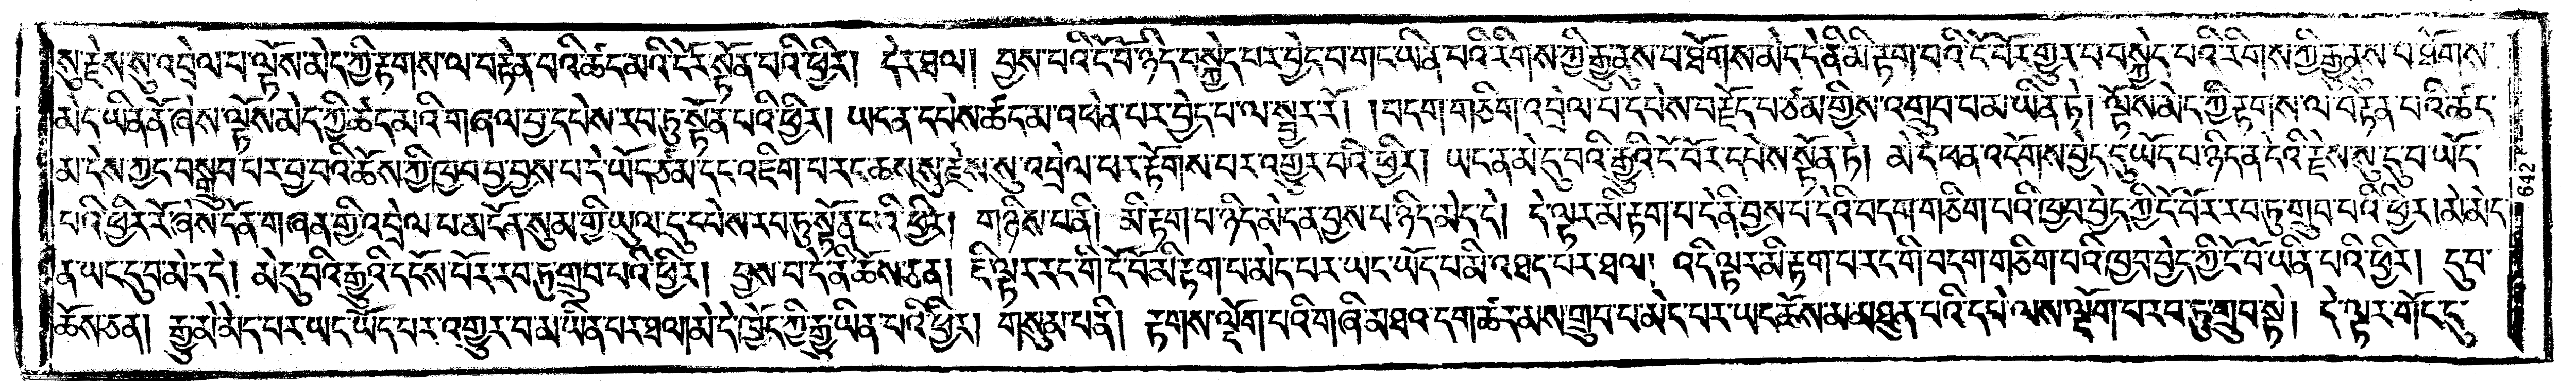སུ་རྗེས་སུ་འབྲེལ་པ་ལྟོས་མེད་ཀྱི་རྟགས་ལ་བརྟེན་པའི་ཚད་མའི་ངོར་སྟོན་པའི་ཕྱིར། དེར་ཐལ། བྱས་པའི་ངོ་བོ་ཉིད་བསྐྱེད་པར་བྱེད་པ་གང་ཡིན་པའི་རིགས་ཀྱི་རྒྱུ་ནུས་པ་ཐོགས་མེད་དེ་ནི་མི་རྟག་པའི་ངོ་བོར་གྱུར་པ་བསྐྱེད་པའི་རིགས་ཀྱི་རྒྱུ་ནུས་པ་ཐོགས་
མེད་ཡིན་ནོ་ཞེས་ལྟོས་མེད་ཀྱི་ཚད་མའི་གཞལ་བྱ་དཔེས་རབ་ཏུ་སྟོན་པའི་ཕྱིར། ཡང་ན་དཔེས་ཚད་མ་འཕེན་པར་བྱེད་པ་ལ་སྦྱར་རོ། །བདག་གཅིག་འབྲེལ་པ་དཔེས་བརྗོད་པ་ཙམ་གྱིས་འགྲུབ་པ་མ་ཡིན་ཏེ། ལྟོས་མེད་ཀྱི་རྟགས་ལ་བརྟེན་པའི་ཚད་
མ་དེས་ཀྱང་བསྒྲུབ་པར་བྱ་བའི་ཆོས་ཀྱི་ཁྱབ་བྱ་བྱས་པ་དེ་ཡོད་ཙམ་དང་འཇིག་པ་རང་ཆས་སུ་རྗེས་སུ་འབྲེལ་པར་རྟོགས་པར་འགྱུར་བའི་ཕྱིར། ཡང་ན་མེ་དུ་བའི་རྒྱུའི་ངོ་བོར་དཔེས་སྟོན་ཏེ། མེ་དེ་ཕན་འདོགས་བྱེད་དུ་ཡོད་པ་ཉིད་ན་དེའི་རྗེས་སུ་དུ་བ་ཡོད་
པའི་ཕྱིར་རོ་ཞེས་དོན་གཞན་གྱི་འབྲེལ་པ་མངོན་སུམ་གྱི་ཡུལ་དུ་དཔེས་རབ་ཏུ་སྟོན་པའི་ཕྱིར། གཉིས་པ་ནི། མི་རྟག་པ་ཉིད་མེད་ན་བྱས་པ་ཉིད་མེད་དེ། དེ་ལྟར་མི་རྟག་པ་དེ་ནི་བྱས་པ་དེའི་བདག་གཅིག་པའི་ཁྱབ་བྱེད་ཀྱི་ངོ་བོར་རབ་ཏུ་གྲུབ་པའི་ཕྱིར། མེ་མེད་
ན་ཡང་དུ་བ་མེད་དེ། མེ་དུ་བའི་རྒྱུའི་དངོས་པོར་རབ་ཏུ་གྲུབ་པའི་ཕྱིར། བྱས་པ་དེ་ནི་ཆོས་ཅན། ཇི་ལྟར་རང་གི་ངོ་བོ་མི་རྟག་པ་མེད་པར་ཡང་ཡོད་པ་མི་འཐད་པར་ཐལ། འདི་ལྟར་མི་རྟག་པ་རང་གི་བདག་གཅིག་པའི་ཁྱབ་བྱེད་ཀྱི་ངོ་བོ་ཡིན་པའི་ཕྱིར། དུ་བ་
ཆོས་ཅན། རྒྱུ་མེ་མེད་པར་ཡང་ཡོད་པར་འགྱུར་བ་མ་ཡིན་པར་ཐལ། མེ་དེ་ཁྱོད་ཀྱི་རྒྱུ་ཡིན་པའི་ཕྱིར། གསུམ་པ་ནི། རྟགས་ལྡོག་པའི་གཞི་མཐའ་དག་ཚད་མས་གྲུབ་པ་མེད་པར་ཡང་ཆོས་མ་མཐུན་པའི་དཔེ་ལས་ལྡོག་པ་རབ་ཏུ་གྲུབ་སྟེ། དེ་ལྟར་གོང་དུ་